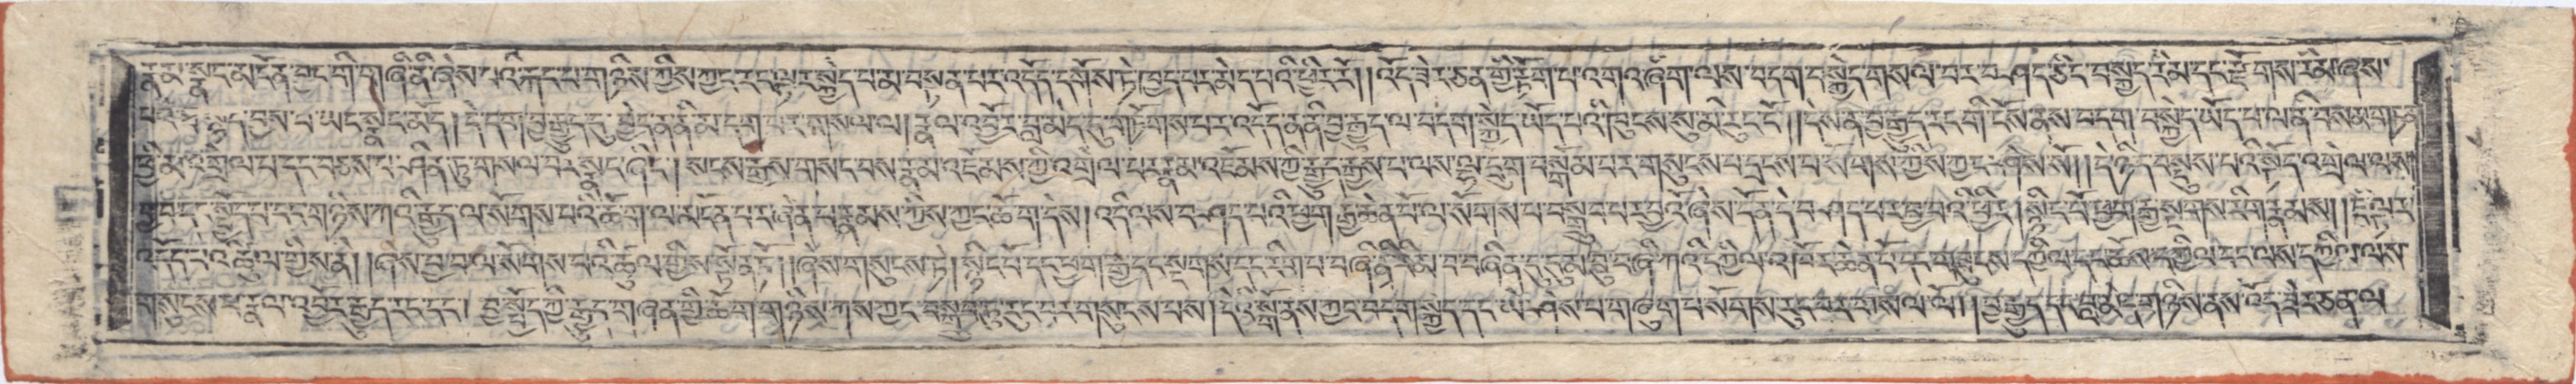རྣམ་སྣང་མངོན་བྱང་གི་གཞི་ནི་ཞེས་པའི་རྐང་པ་གཉིས་ཀྱིས་ཀྱང་རང་ལྷར་སྐྱེད་པ་མ་བསྟན་པར་འདོད་དགོས་ཏེ་ཁྱད་པར་མེད་པའི་ཕྱིར་རོ། །འོད་ཟེར་ཅན་གྱི་རྟོག་པ་འགའ་ཞིག་ལས་བདག་བསྐྱེད་གསལ་བར་བཤད་ཅིང་བསྐྱེད་རིམ་དང་རྫོགས་རིམ་ཞེས་
པའི་ཐ་སྙད་བྱས་པ་ཡང་སྣང་མོད། དེ་དག་བྱ་རྒྱུད་དུ་བྱེད་ན་ནི་མ་དག་པར་གསལ་ལ། རྣལ་འབྱོར་བླ་མེད་དུ་གཏོགས་པར་འདོད་ན་ནི་བྱ་རྒྱུད་ལ་བདག་སྐྱེད་ཡོད་པའི་ཁུངས་སུ་མི་རུང་ངོ། །དེས་ན་བྱ་རྒྱུད་རང་གི་ངོས་ནས་བདག་བསྐྱེད་ཡོད་པ་ལ་ནི་བསམ་གཏན་
ཕྱི་མ་འགྲེལ་པ་དང་བཅས་པ་ཤིན་ཏུ་གསལ་བར་སྣང་ཞིང་། སངས་རྒྱས་གསང་བས་རྣམ་འཇོམས་ཀྱི་འགྲེལ་པར་རྣམ་འཇོམས་ཀྱི་རྒྱུད་རྒྱས་པ་ལས་ལྷ་དྲུག་བསྒོམ་པར་གསུངས་པ་དྲངས་པ་སོགས་ཀྱིས་ཀྱང་ཤེས་སོ། །དེ་ཉིད་བསྡུས་པའི་སྟོད་འགྲེལ་ལས།
བྱ་བ་དང་སྤྱོད་པ་དང་གཉིས་ཀའི་རྒྱུད་ལ་སོགས་པའི་ཆོ་ག་ལ་མངོན་པར་ཞེན་པ་རྣམས་ཀྱིས་ཀྱང་ཆོ་ག་དེས། འདི་ལས་བཤད་པའི་ཕྱག་རྒྱ་ཆེན་པོ་ལ་སོགས་པ་བསྒྲུབ་པར་བྱའོ་ཞེས་དོན་དེ་བཤད་པར་བྱ་བའི་ཕྱིར། སྙིང་པོ་ཕྱག་རྒྱ་སྔགས་རིག་རྣམས། །ཇི་ལྟར་
འདོད་པའི་ཚུལ་གྱིས་ནི། །ཞེས་བྱ་བ་ལ་སོགས་པའི་ཚུལ་གྱིས་སྟོན་ཏོ། །ཞེས་གསུངས་ཏེ། སྙིང་པོ་དང་ཕྱག་རྒྱ་དང་སྔགས་དང་རིག་པ་བཞི་ནི་རིམ་པ་བཞིན་དུ་དུམ་བུ་བཞི་ཀའི་དཀྱིལ་འཁོར་ཆེན་པོ་དང་གཟུངས་དཀྱིལ་དང་ཆོས་དཀྱིལ་དང་ལས་དཀྱིལ་ལས་
གསུངས་པ་རྣལ་འབྱོར་རྒྱུད་རང་དང་། བྱ་སྤྱོད་ཀྱི་རྒྱུད་གཞན་གྱི་ཆོ་ག་གཉིས་ཀས་ཀྱང་བསྒྲུབ་ཏུ་རུང་བར་གསུངས་པས། དེའི་སྒོ་ནས་ཀྱང་བདག་སྐྱེད་དང་ཡེ་ཤེས་པ་གཞུག་པ་སོགས་རུང་བར་གསལ་ལོ། །བྱ་རྒྱུད་དང་བླ་མེད་གཉིས་ནས་འོད་ཟེར་ཅན་ལ་